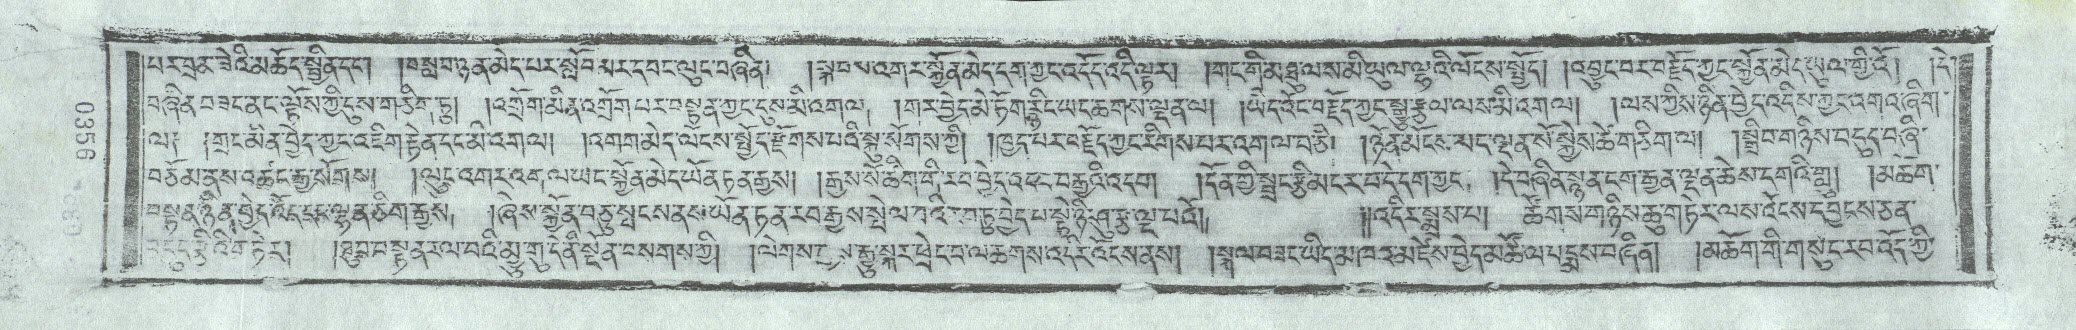པར་བྲམ་ཟེའི་མཆོད་སྦྱིན་དང་། །བསླབ་ཉན་མེད་པར་སློབ་མར་དབང་ལུང་བཞིན། །སྐབས་འགར་སྐྱོན་མེད་དག་ཀྱང་འདོད་འདི་ལྟར། །གང་གི་མཐུ་ལས་མི་ཡུལ་ལྷའི་ལོངས་སྤྱོད། །འབྱུང་བར་བརྗོད་ཀྱང་སྐྱོན་མེད་ཡུལ་གྱིའོ། །དེ་
བཞིན་བཟང་ནང་ལྟོས་ཀྱི་དུས་གཅིག་ཏུ། །འགྲོག་མིན་འགྲོག་པར་བསྟན་ཀྱང་དུས་མི་འགལ། །གར་བྱེད་མེ་ཏོག་རྙིང་ཡང་ངགས་ལྡན་ལ། །ཡིད་འོང་བརྗོད་ཀྱང་སྒྱུ་རྩལ་ལས་མི་འགལ། །ལས་ཀྱིས་ཉིན་བྱེད་འདིས་ཀྱང་འགའ་ཞིག་
ལ། །གྲང་མིན་བྱེད་ཀྱང་འཇིག་རྟེན་དང་མི་འགལ། །འགའ་མེད་ལོངས་སྤྱོད་རྫོགས་པའི་སྐུ་སོགས་ཀྱི། །ཁྱད་པར་བརྗོད་ཀྱང་རིགས་པར་འགལ་བ་ཅི། །ཉོན་མོངས་མང་ལྡན་སོ་སྐྱེས་ཚེ་གཅིག་ལ། །སྒྲིབ་གཉིས་བདུད་བཞི་
བཅོམ་ནས་འཚང་རྒྱ་སོགས། །ལུང་འགར་འགལ་ཡང་སྐྱོན་མེད་ཡོན་ཏན་རྒྱས། །རྒྱས་སོ་ཚིག་གི་རབ་བྱེད་འདབ་བརྒྱའི་འདབ། །དོག་གྱི་སྦྲང་རྩི་མངར་བདེ་དག་ཀྱང་། །དེ་བཞིན་སྙན་ངག་རྒྱན་ལྡན་ཆེས་དགའི་གླུ། །མཆོག་
བསྟན་ཉིན་བྱེད་འོད་དང་ལྷན་ཅིག་རྒྱས། །ཞེས་སྐྱོན་བཅུ་སྤངས་ནས་ཡོན་ཏན་རབ་རྒྱས་སྤེལ་བའི་རབ་ཏུ་བྱེད་པ་སྟེ་ཉི་ཤུ་རྩ་ལྔ་པའོ།། །།འདིར་སྨྲས་པ། ཚོགས་གཉིས་ཆུ་གཏེར་ལས་འོངས་དབྱངས་ཅན་
བདུད་རྩིའི་གཏེར། །ཐུབ་བསྟན་རལ་བའི་མྱུར་གུ་དེ་ནི་སྔོན་བསགས་ཀྱི། །ལེགས་བྱས་རྒྱུ་སྐར་ཕྲེང་བ་ལ་ཆགས་འདིར་འོངས་ནས། །སྐལ་བཟང་ཡིད་མཁའ་མཛེས་བྱེད་མཚོལ་པདམས་བཞིན། །ཆོག་གི་གསུང་རབ་བོས?་ཀྱི་